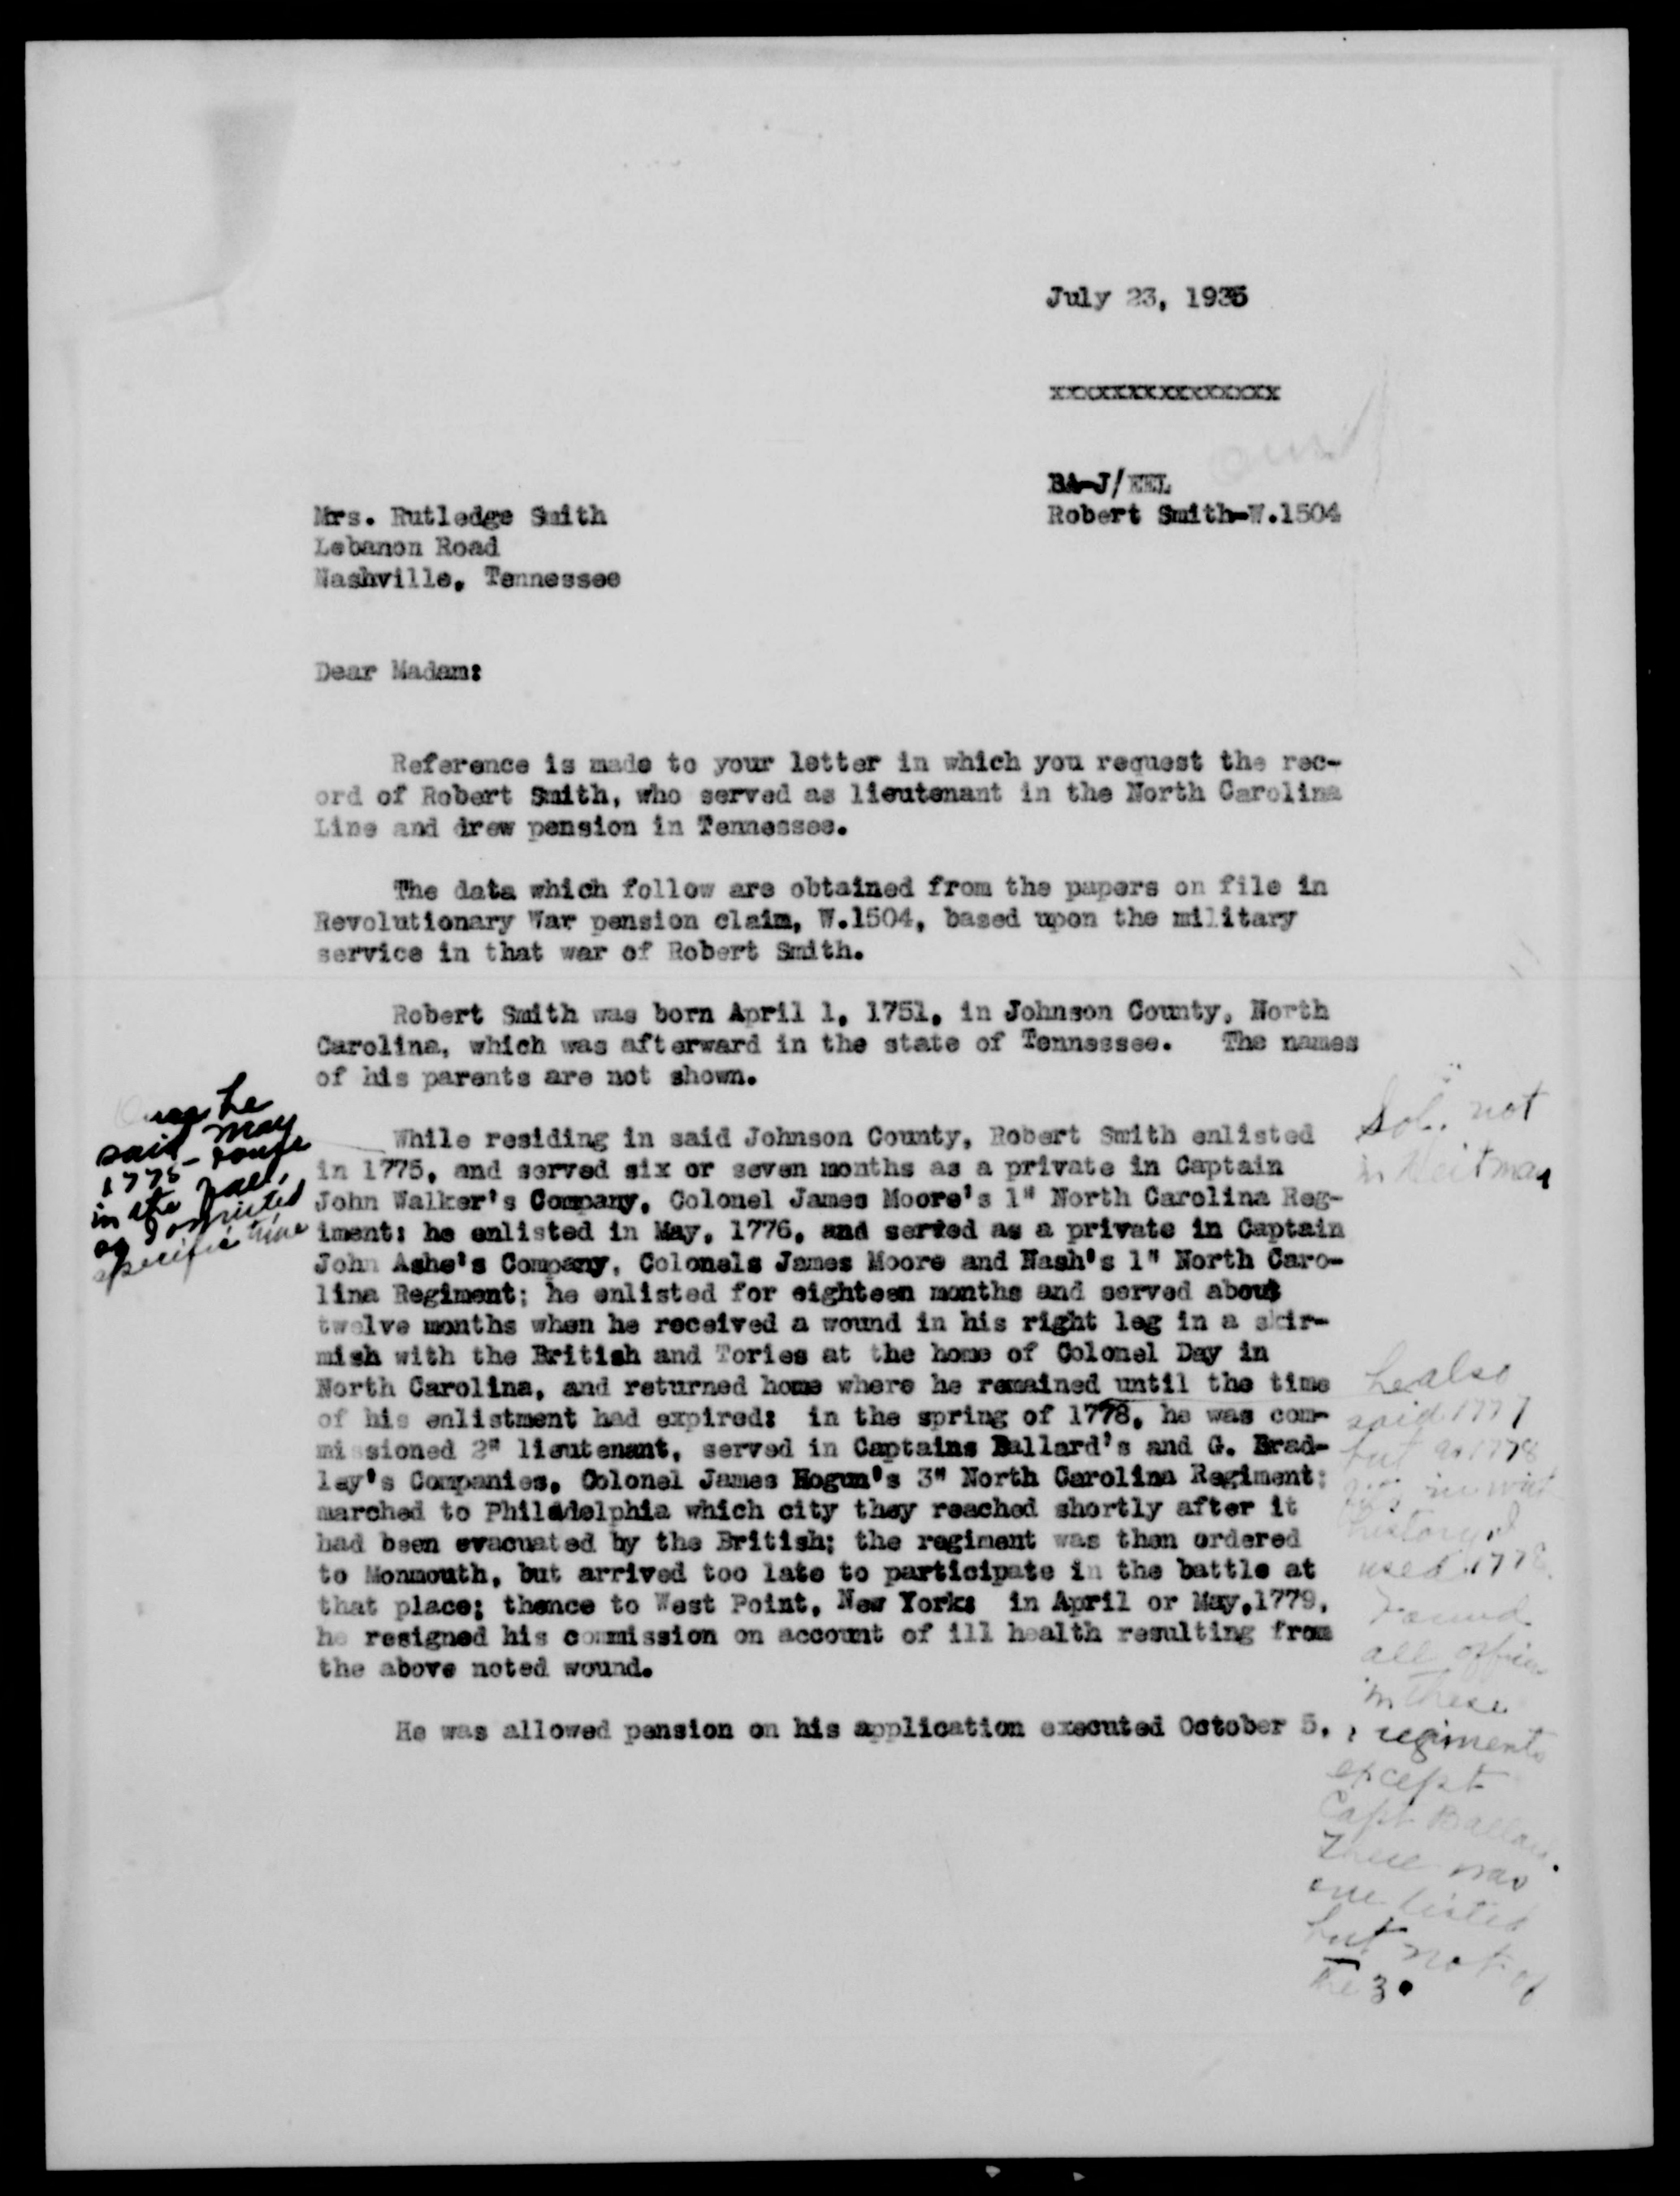July 23, 1935
Mrs. Rutledge Smith
Lebanon Road
Nashville, Tennessee
BA-J/RL  our
Robert Smith W1504
Dear Madam:
Reference is made to your letter in which you request the record
of Robert Smith, who served as lieutenant in the North Carolina line and drew pension in Tennessee.
The data which follow are obtained from the papers on file in
Revolutionary War pension claim, W. 1504, based upon the military
service in that war of Robert Smith.
Robert Smith was born April 1, 1751, in Johnson County, North Carolina, which was afterward in the state of Tennessee. The names of his parents are not shown.
[note] Once he said May 1775 & once in the fall so I omitted specific time.
While residing in said Johnson County, Robert Smith enlisted
in 1775, and served six or seven months as a private in Captain
John Walker's Company, Colonel James Moore's 1st North Carolina Regiment: he enlisted in May, 1776, and served as a private in Captain
John Ashe's Company, Colonels James Moore and Nash's 1st North Carolina Regiment: he enlisted for eighteen months and served about
twelve months when he received a wound in his right leg in a skirmish
with the British and Tories at the home of Colonel Day [Dry] in 
North Carolina, and returned home where he remained until the time
of his enlistment had expired: in the spring of 1778, he was commissioned 2d lieutenant, served in Captains Ballard's and G. Bradley's Companies, Colonel James Hogun's 3d North Carolina Regiment;
marched to Philadelphia which city they reached shortly after it
had been evacuated by the British; the regiment was then ordered
to Monmouth, but arrived too late to participate in the battle at that place; thence to West Point, New York in April or May, 1779, he resigned his commission on account of ill health resulting from the above noted wound. [note] Sol. not in Heitman
He was allowed pension on his application executed October 5,
[note] he also said 1777 but as 1778 fits in with history I used 1778. Found all officers in these regiments except Capt. Ballard. There was one listed but not of the 3d [sic, Kedar Ballard was in 3rd Regt.]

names: Robert Smith; Robert Smith; [BLANK] Day; Robert Smith; William Hill; Rutledge Smith; Robert Smith; Robert Smith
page: 33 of 79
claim: widow's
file: W. 1504, for Robert Smith, North Carolina